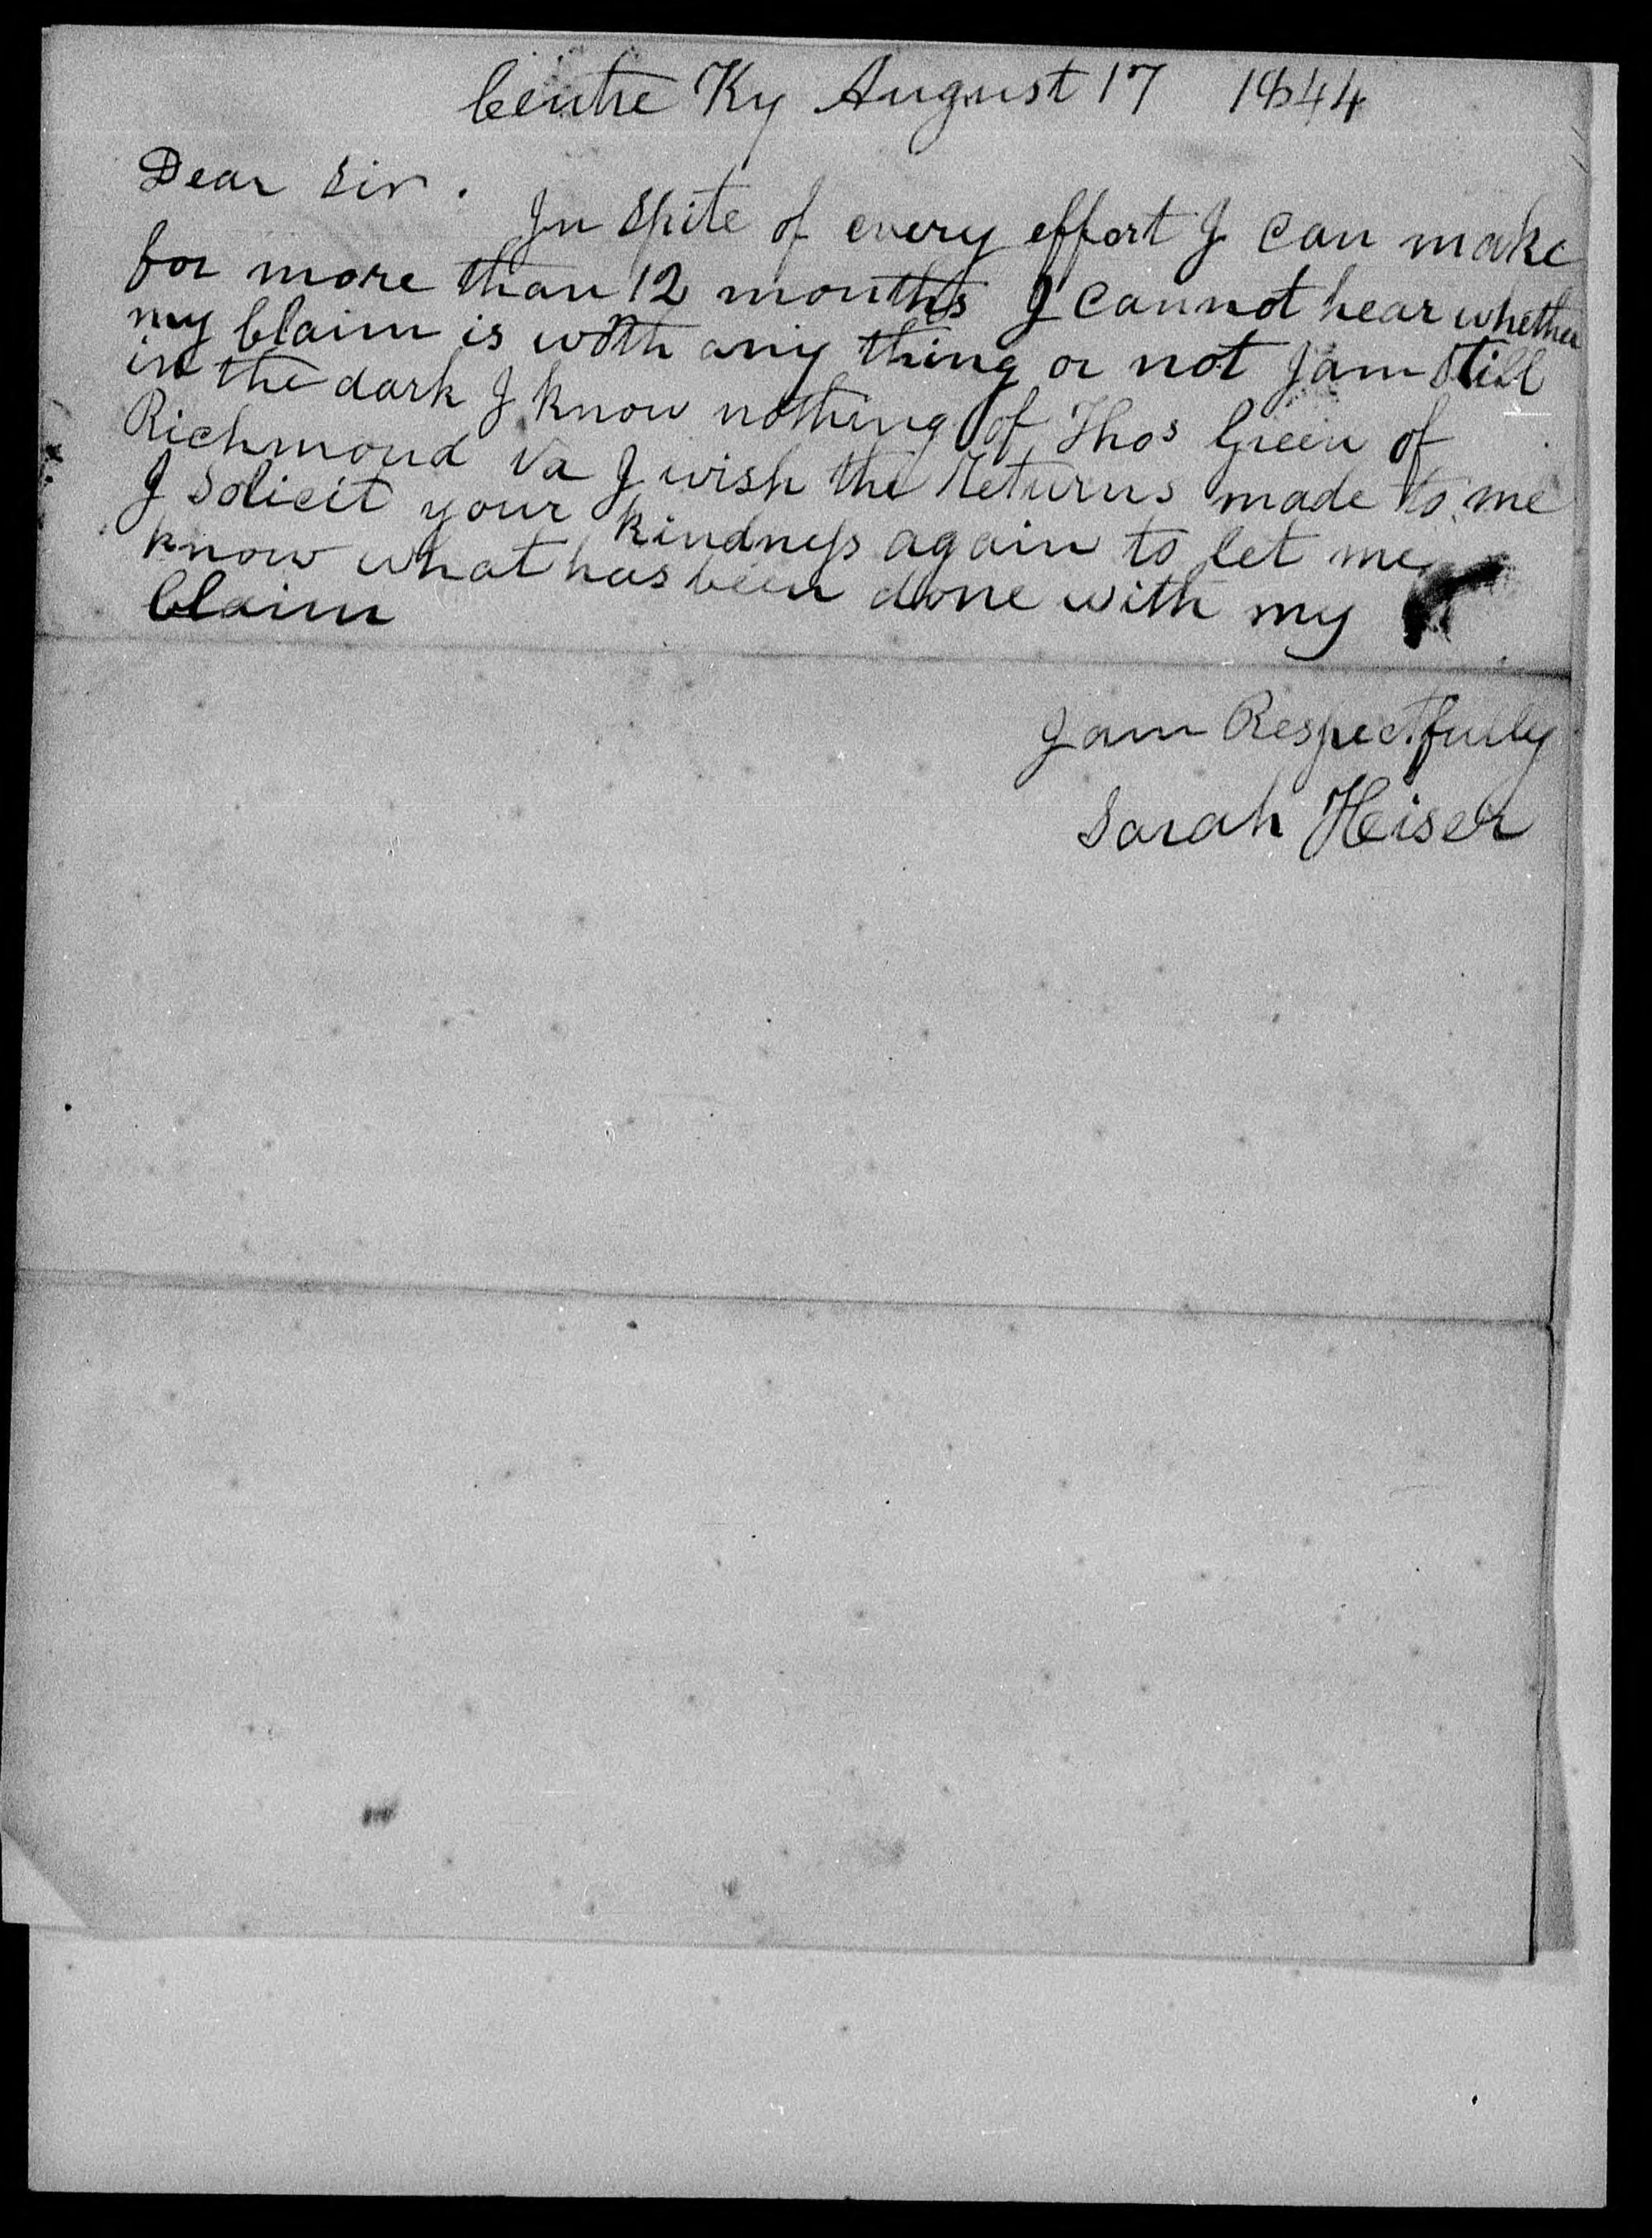Centre Ky August 17 1844
Dear Sir,
In spite of every effort I can make
for more than 12 months I cannot hear whether
my claim is worth any thing or not  I am still
in the dark I know nothing of Thos Green of
Richmond Va  I wish the returns made to me
I Solicit your kindness again to let me
know what has been done with my
Claim

I am Respectfully
Sarah Heiser [Hiser ?]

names: Thos Green, Sarah Heiser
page: 17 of 58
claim: widow's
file: W. 8932, John Hiser, Penn.